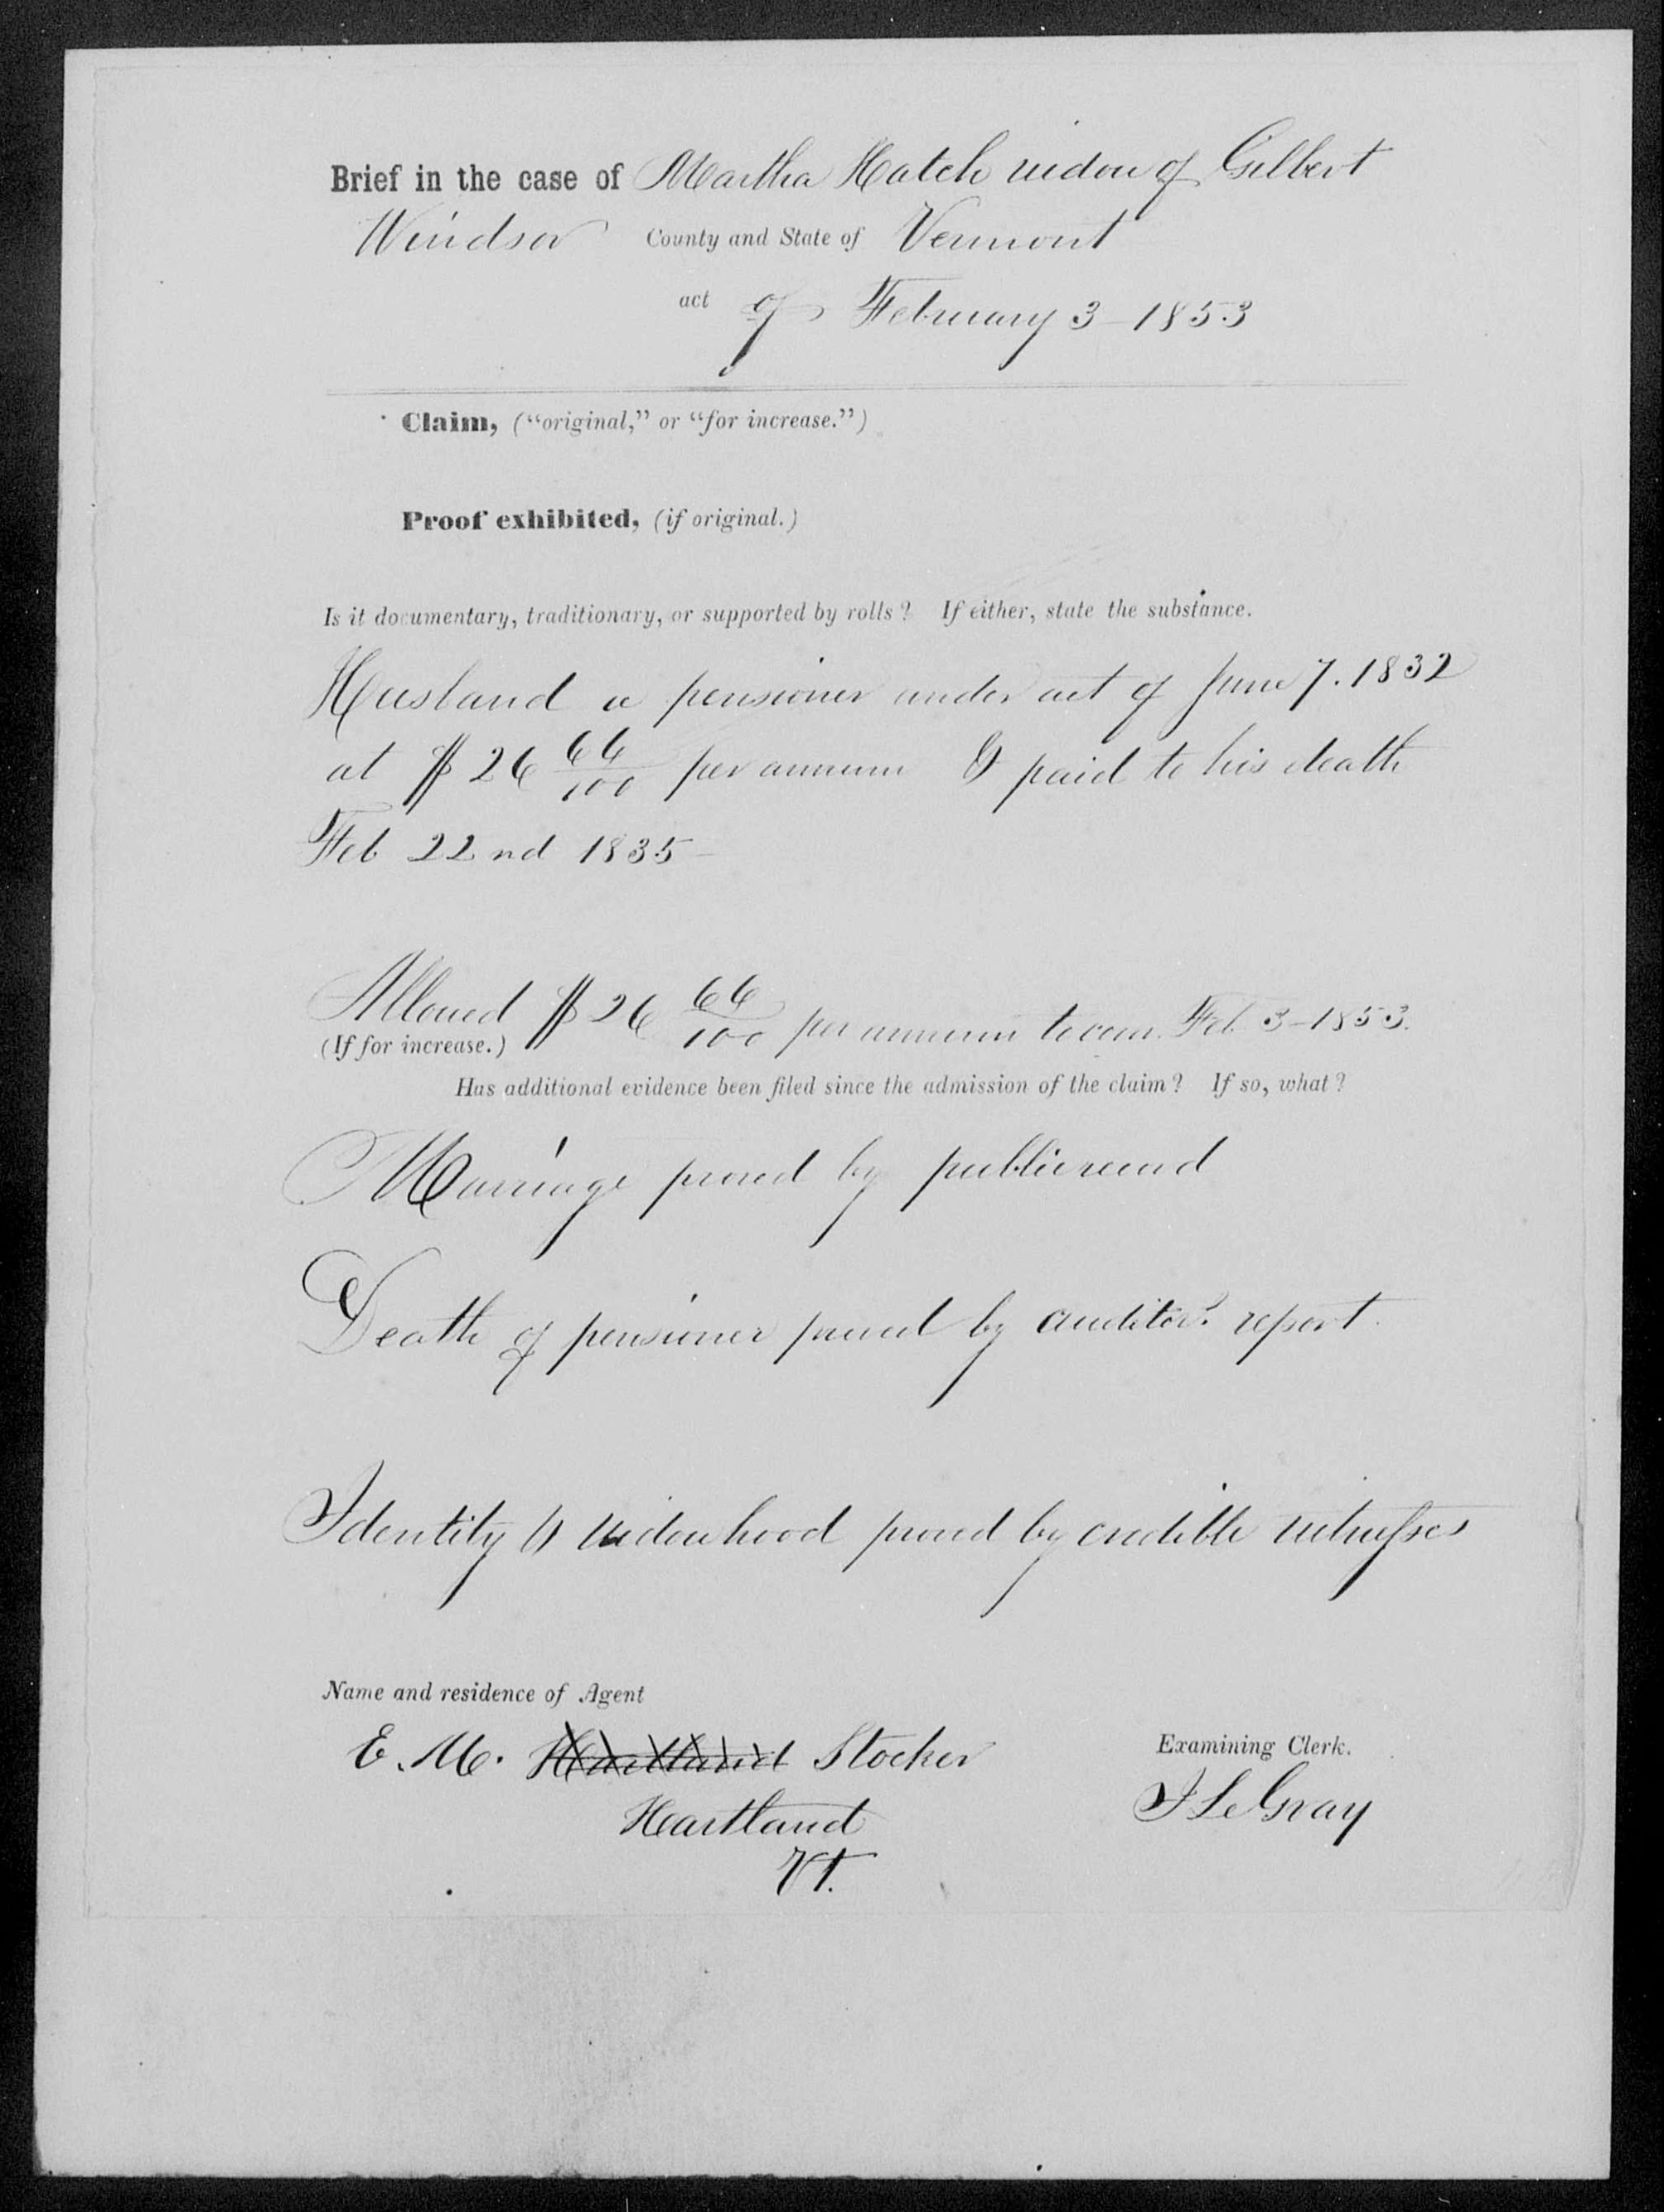Brief in the case of Martha Hatch widow of Gilbert 
Windsor County and State of Vermont
act of February 3 1853

Claim, ("original," or "for increase.")

Proof exhibited, (if original.)

Is it documentary, traditionary, or supported by rolls?  If either, state the substance.

Husband a pensioner under act of June 7. 1832
at $26.66/100 per annum & paid to his death Feb 22nd 1835.

Allowed $26.66/100 per annum to com. Feb 3-1853.
(If for increase.) 

Has additional evidence been filed since the admission of the claim?  If so, what? 

Marriage proved by public record
Death of pensioner proved by auditors report

Identity [illegible] widowhood proved by credible witness

Name and residence of Agent

E. M. [Hartland marked out] Stocker 
Hartland VT

Examining Clerk.
J. L. Gray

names: E M Stocker, J L Gray, Martha Hatch, Gilbert Hatch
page: 29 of 47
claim: widow's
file: W. 225, Gilbert Hatch, Conn.